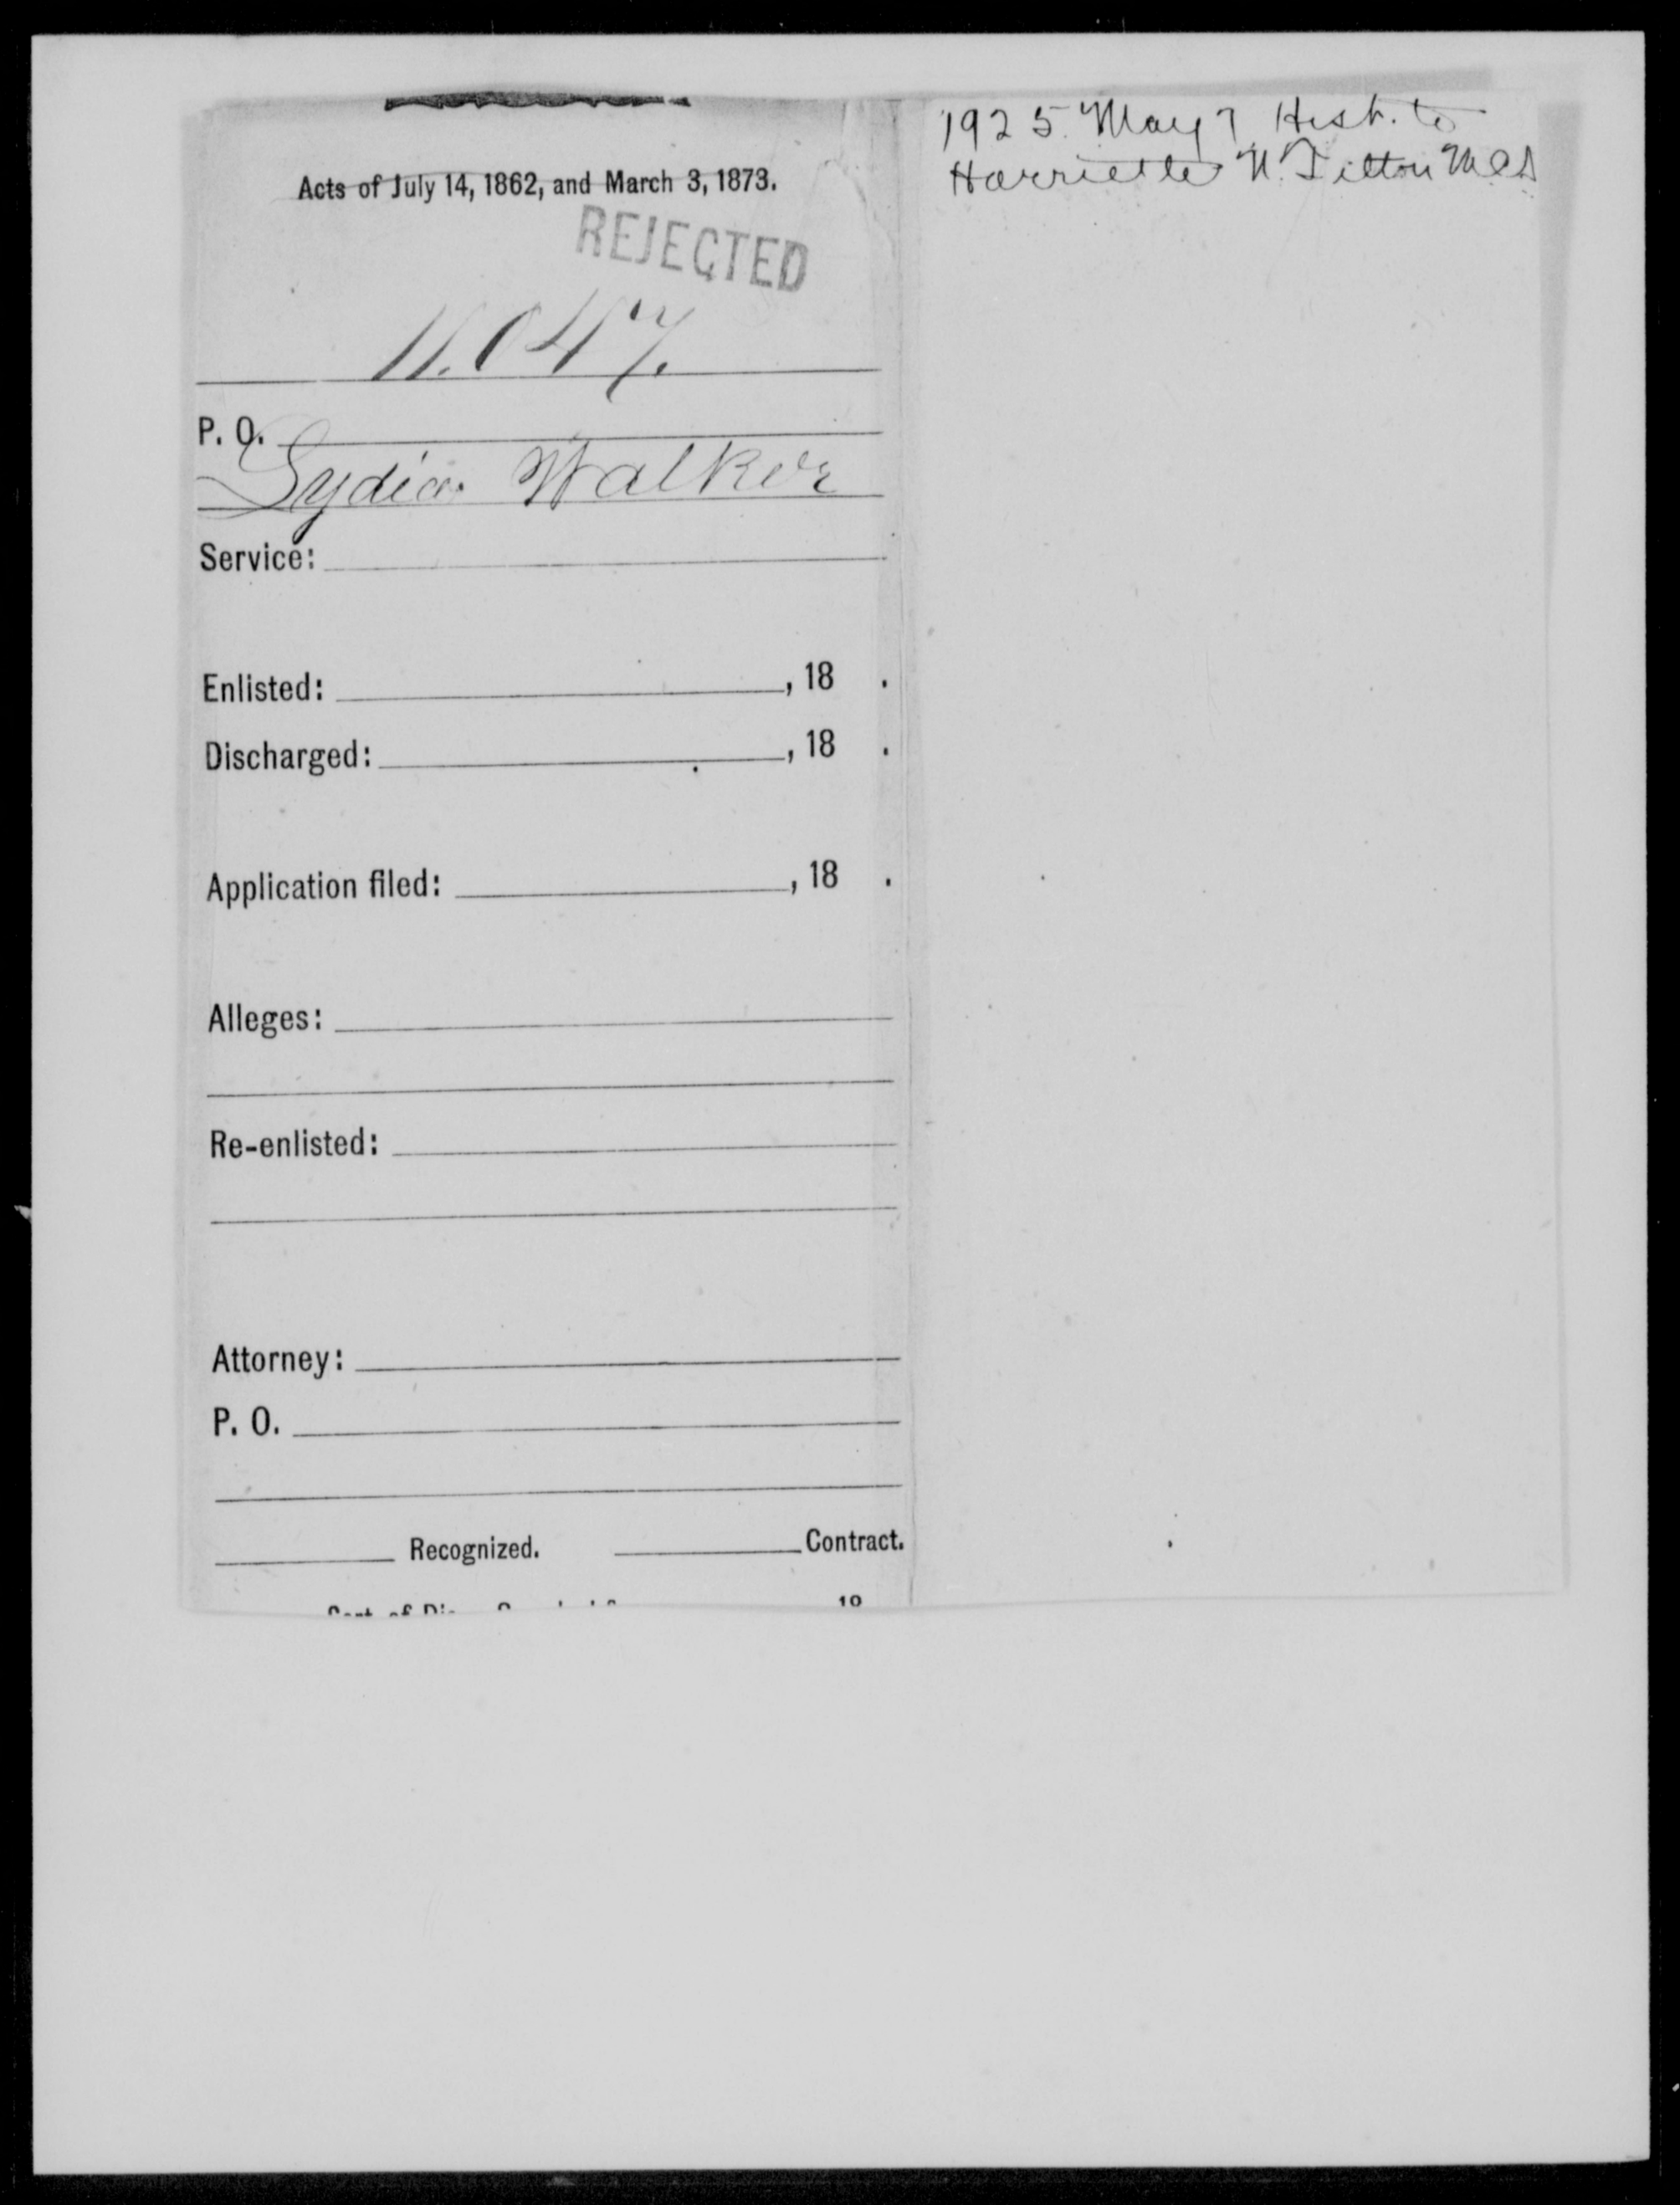Acts of July 14, 1862, and March 3, 1873.
REECTED
11.047
Lydia Walker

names: Lydia Walker, Harriette N Tilton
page: 21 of 37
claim: rejected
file: R. 11047, David Walker, N.C.